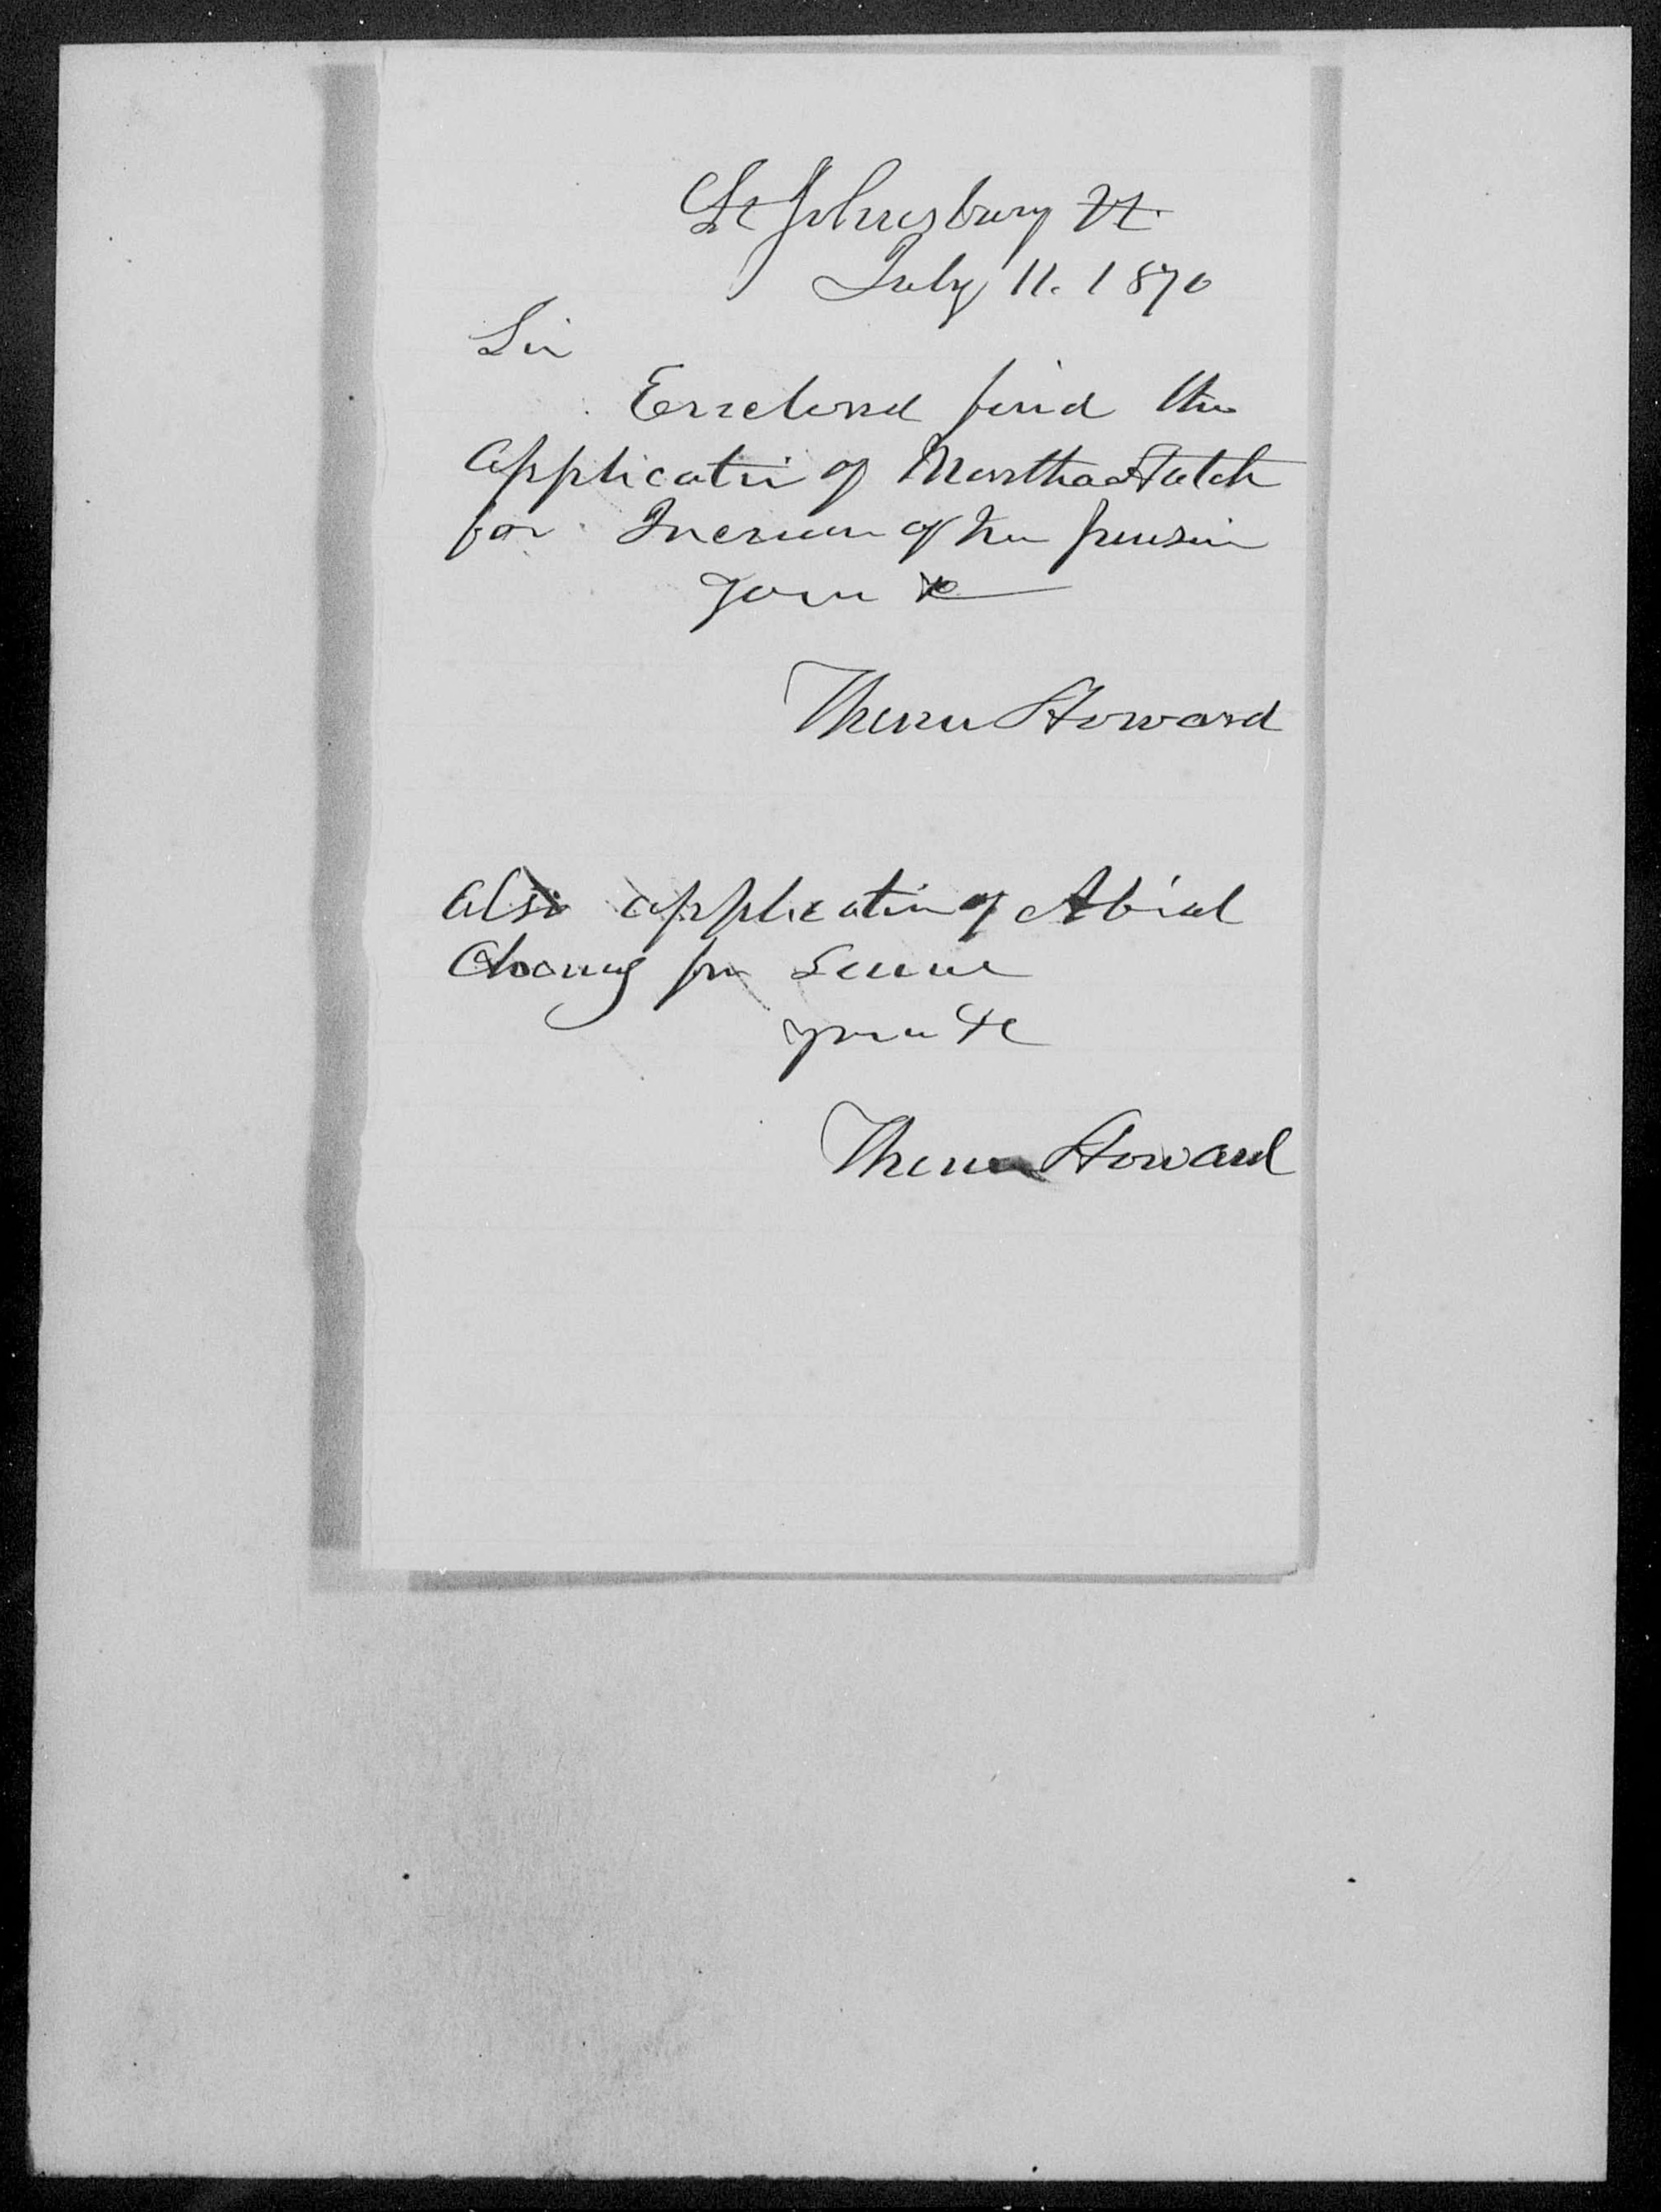St. Johnsbury Vt
July 11, 1870

Sir

Enclosed find this application of Martha Hatch for Increase of her pension
[illegible]

Theron Howard

Also application of Abial Chaney for Service
[illegible]

Theron Howard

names: Abial Chaney, Theron Howard, Martha Hatch, Theron Howard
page: 37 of 47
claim: widow's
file: W. 225, Gilbert Hatch, Conn.